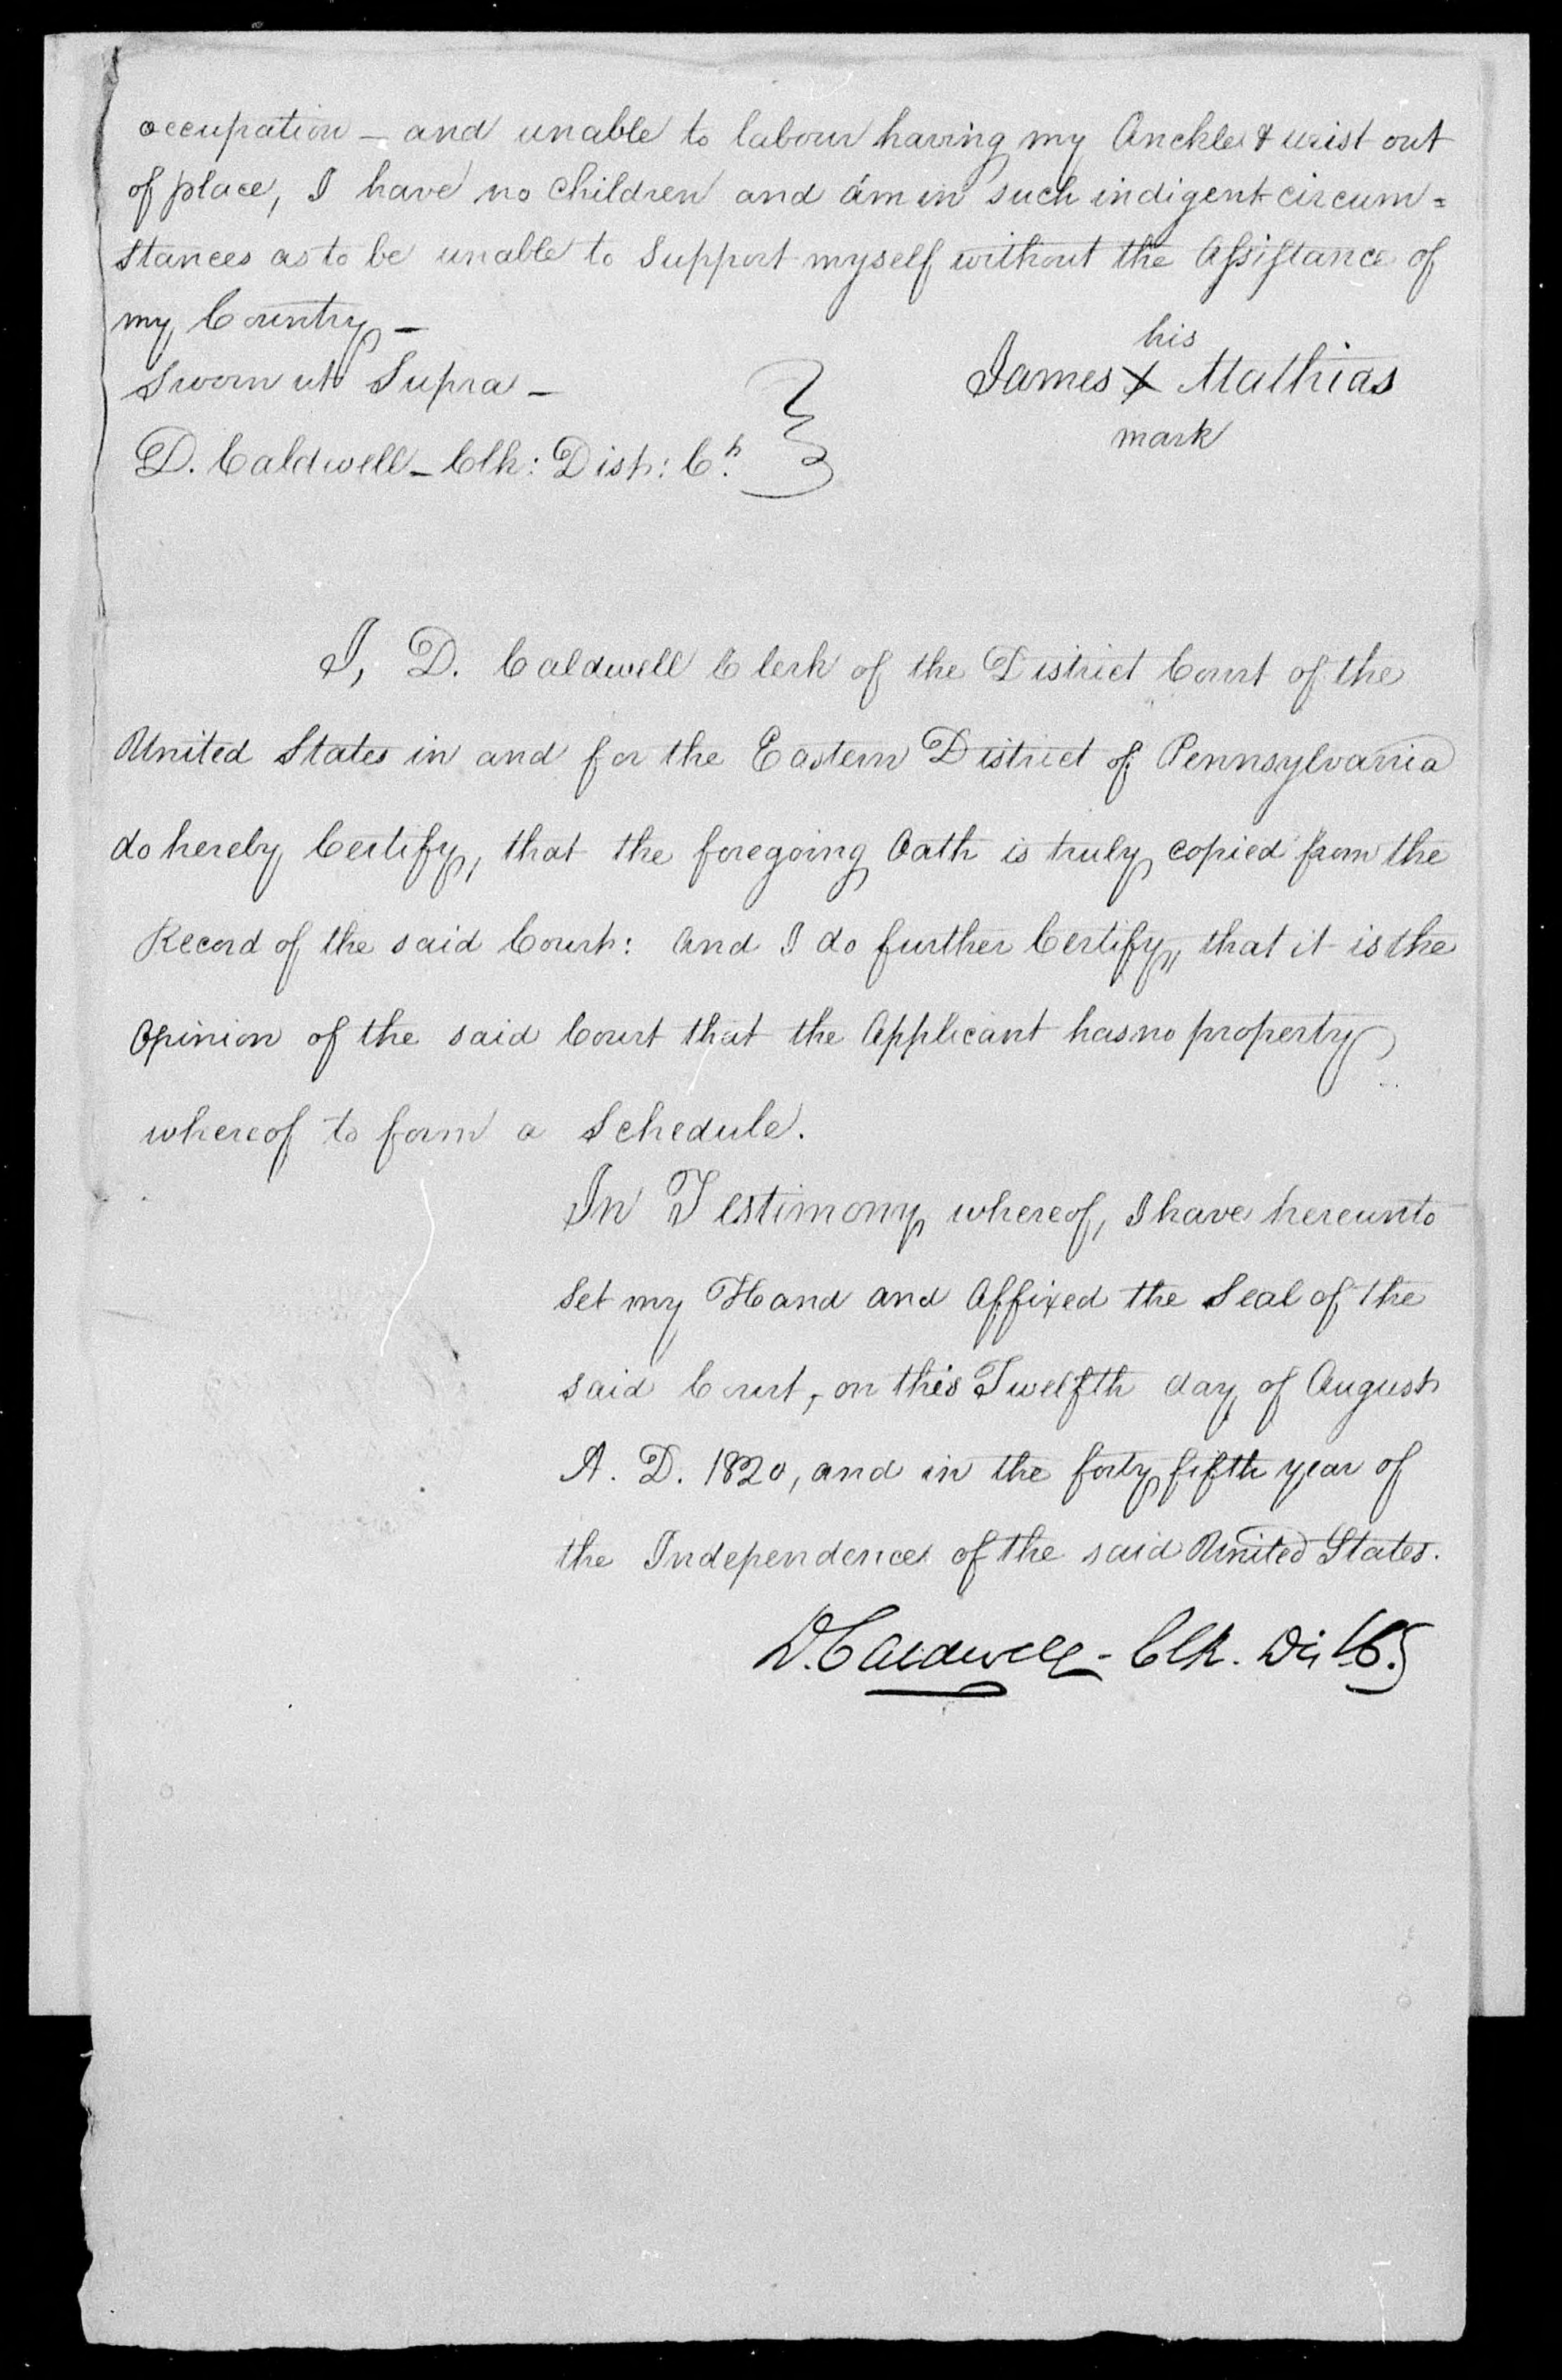occupation - and unable to labour having my Anckle & wrist out of place, I have no children and am in such indigent circumstances as to be unable to support myself without the assistance of my Country
his
James X Mathias
mark
Sworn at Supra 
D. Caldwell Clk. Dist Ct-

I, D. Caldwell Clerk of the District Court of the
United States in and for the Eastern District of Pennsylvania do hereby certify, that the foregoing oath is truly copied from the
Record of the said Court: and I do further Certify, that it is the opinion of the said Court that the applicant has no property whereof to form a Schedule

In Testimony whereof, I have hereunto
set my Hand and affixed the Seal of the
said Court, on this Twelfth day of August
A.D. 1820, and in the forty fifth year of
the Independence of the said United States.
D. Caldwell Clk. Dist Ct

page: 9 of 20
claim: survivor's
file: S. 40,119, for James Mathias, Maryland